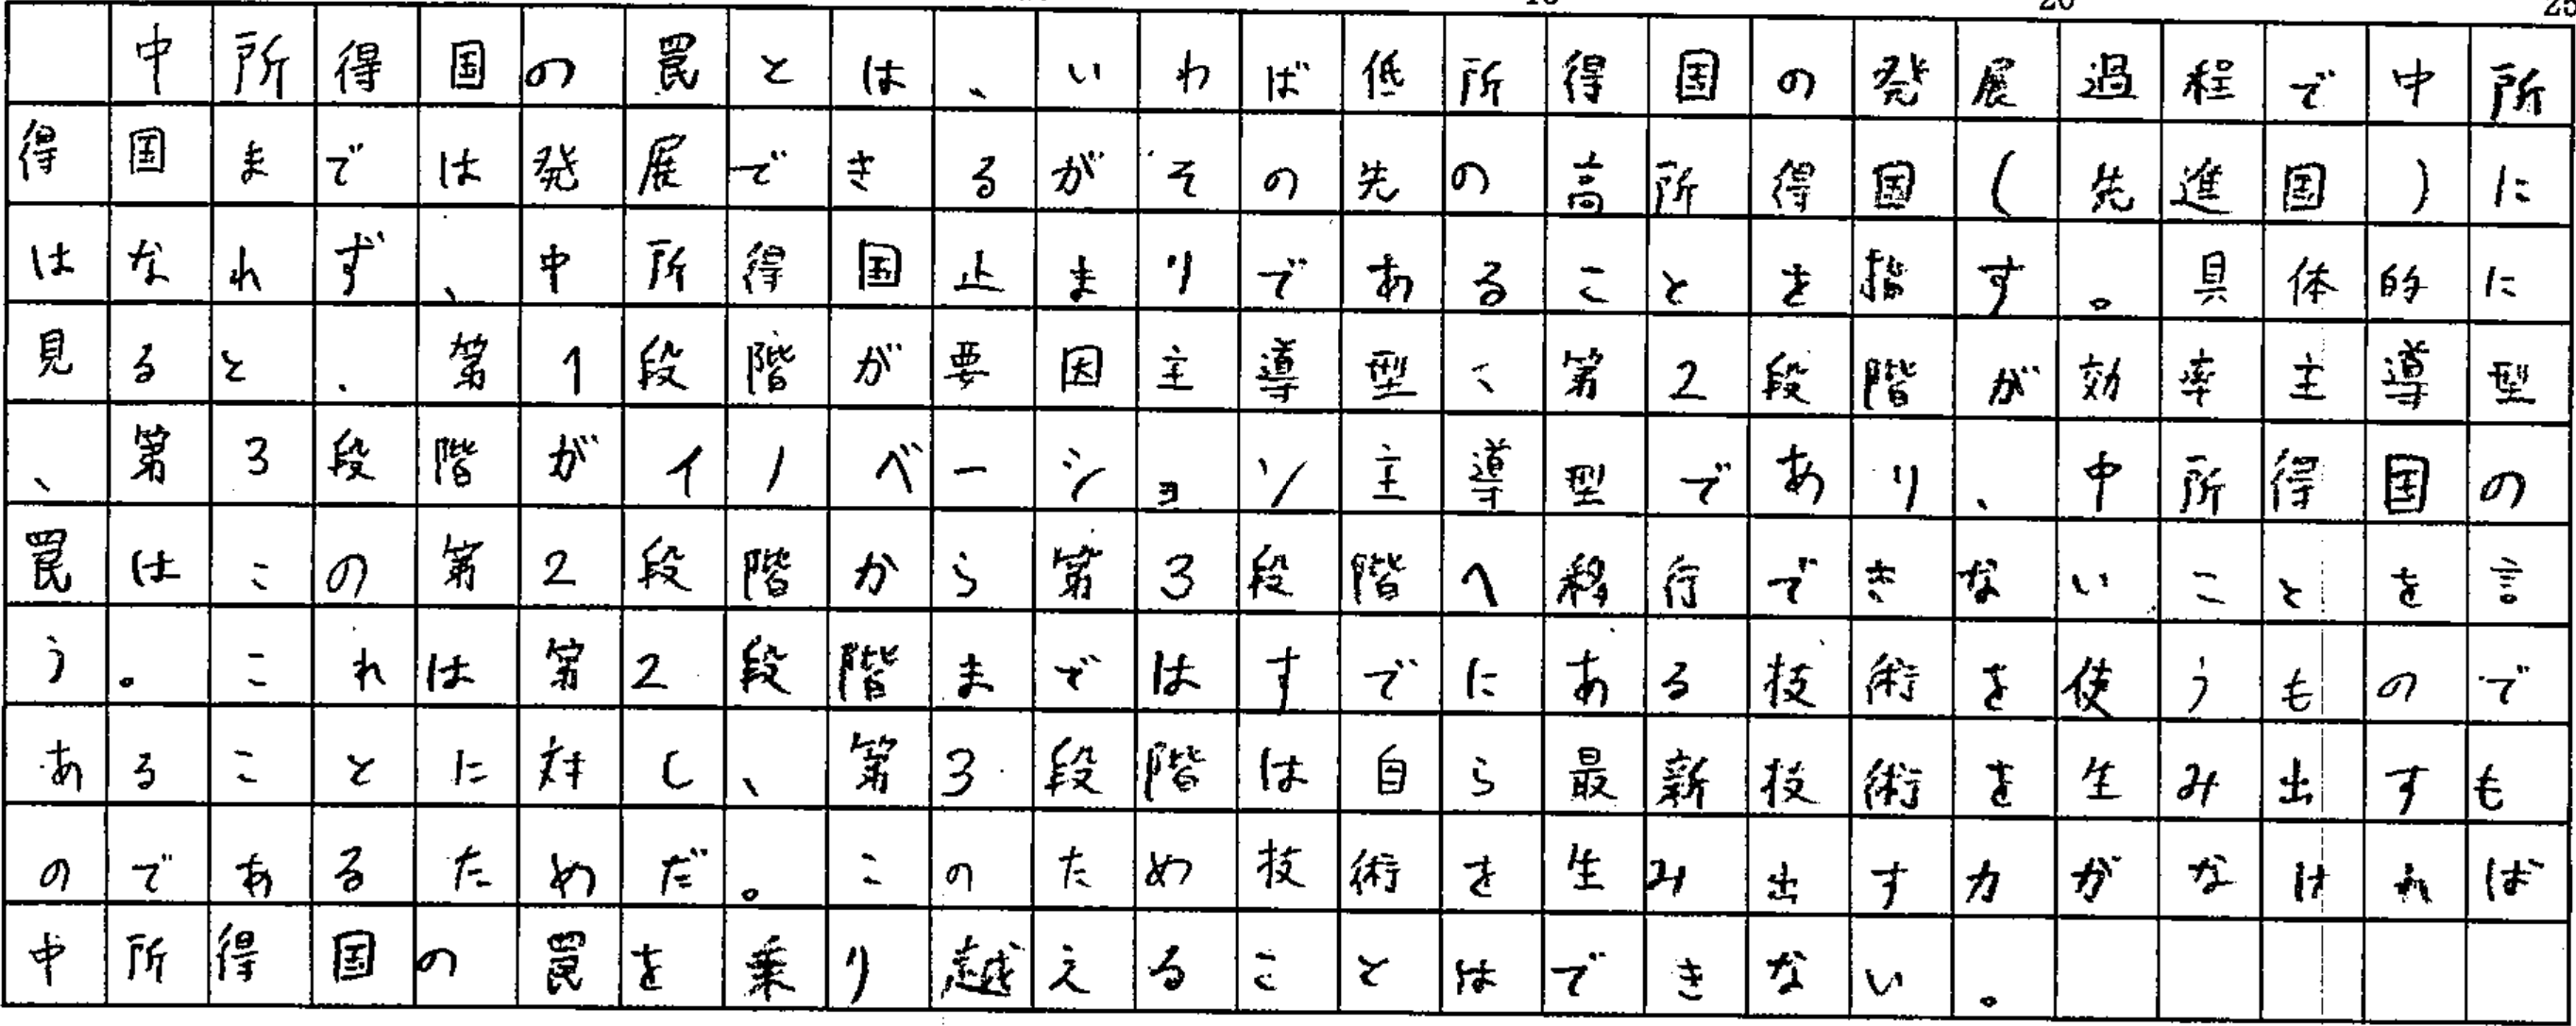　中所得国の罠とは、いわば低所得国の発展過程で中所得国までは発展できるがその先の高所得国（先進国）にはなれず、中所得国止まりであることを指す。具体的に見ると、第１段階が要因主導型、第２段階が効率主導型、第３段階がイノベーション主導型であり、中所得国の罠はこの第２段階から第３段階へ移行できないことを言う。これは第２段階まではすでにある技術を使うものであることに対し、第３段階は自ら最新技術を生み出すものであるためだ。このため技術を生み出す力がなければ中所得国の罠を乗り越えることはできない。
